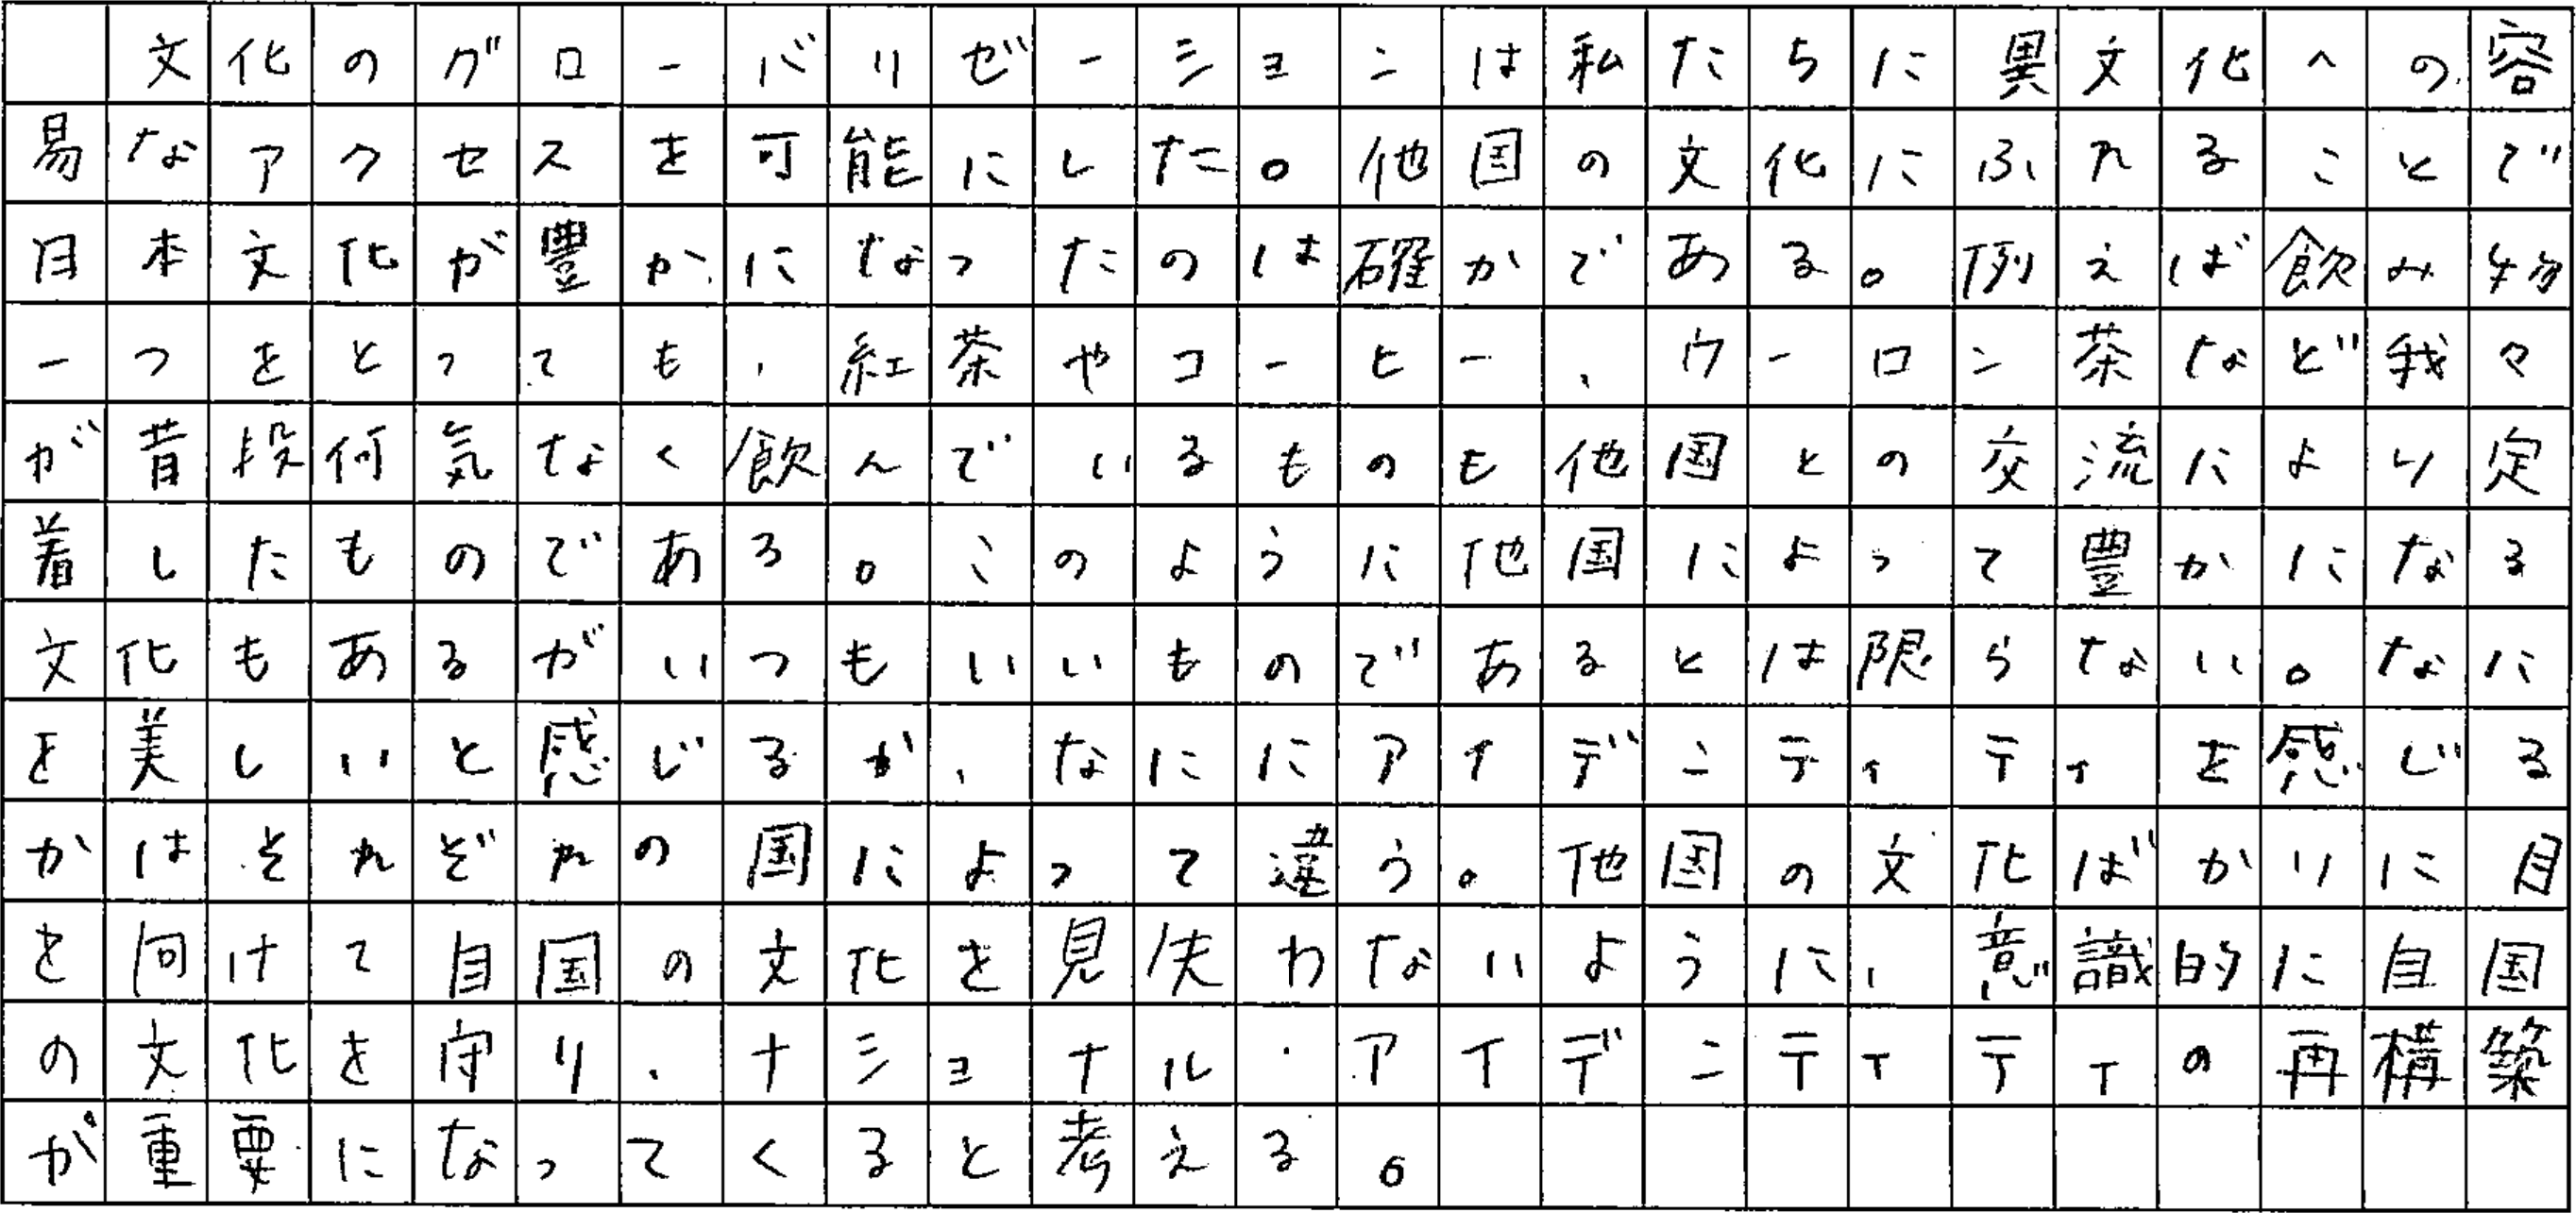　文化のグローバリゼーションは私たちに異文化への容易なアクセスを可能にした。他国の文化にふれることで日本文化が豊かになったのは確かである。例えば飲み物一つをとっても、紅茶やコーヒー、ウーロン茶など我々が昔段何気なく飲んでいるものも他国との交流により定着したものである。このように他国によって豊かになる文化もあるがいつもいいものであるとは限らない。なにを美しいと感じるか、なににアイデンティティを感じるかはそれぞれの国によって違う。他国の文化ばかりに目を向けて自国の文化を見失わないように、意識的に自国の文化を守り、ナショナル・アイデンティティの再構築が重要になってくると考える。
